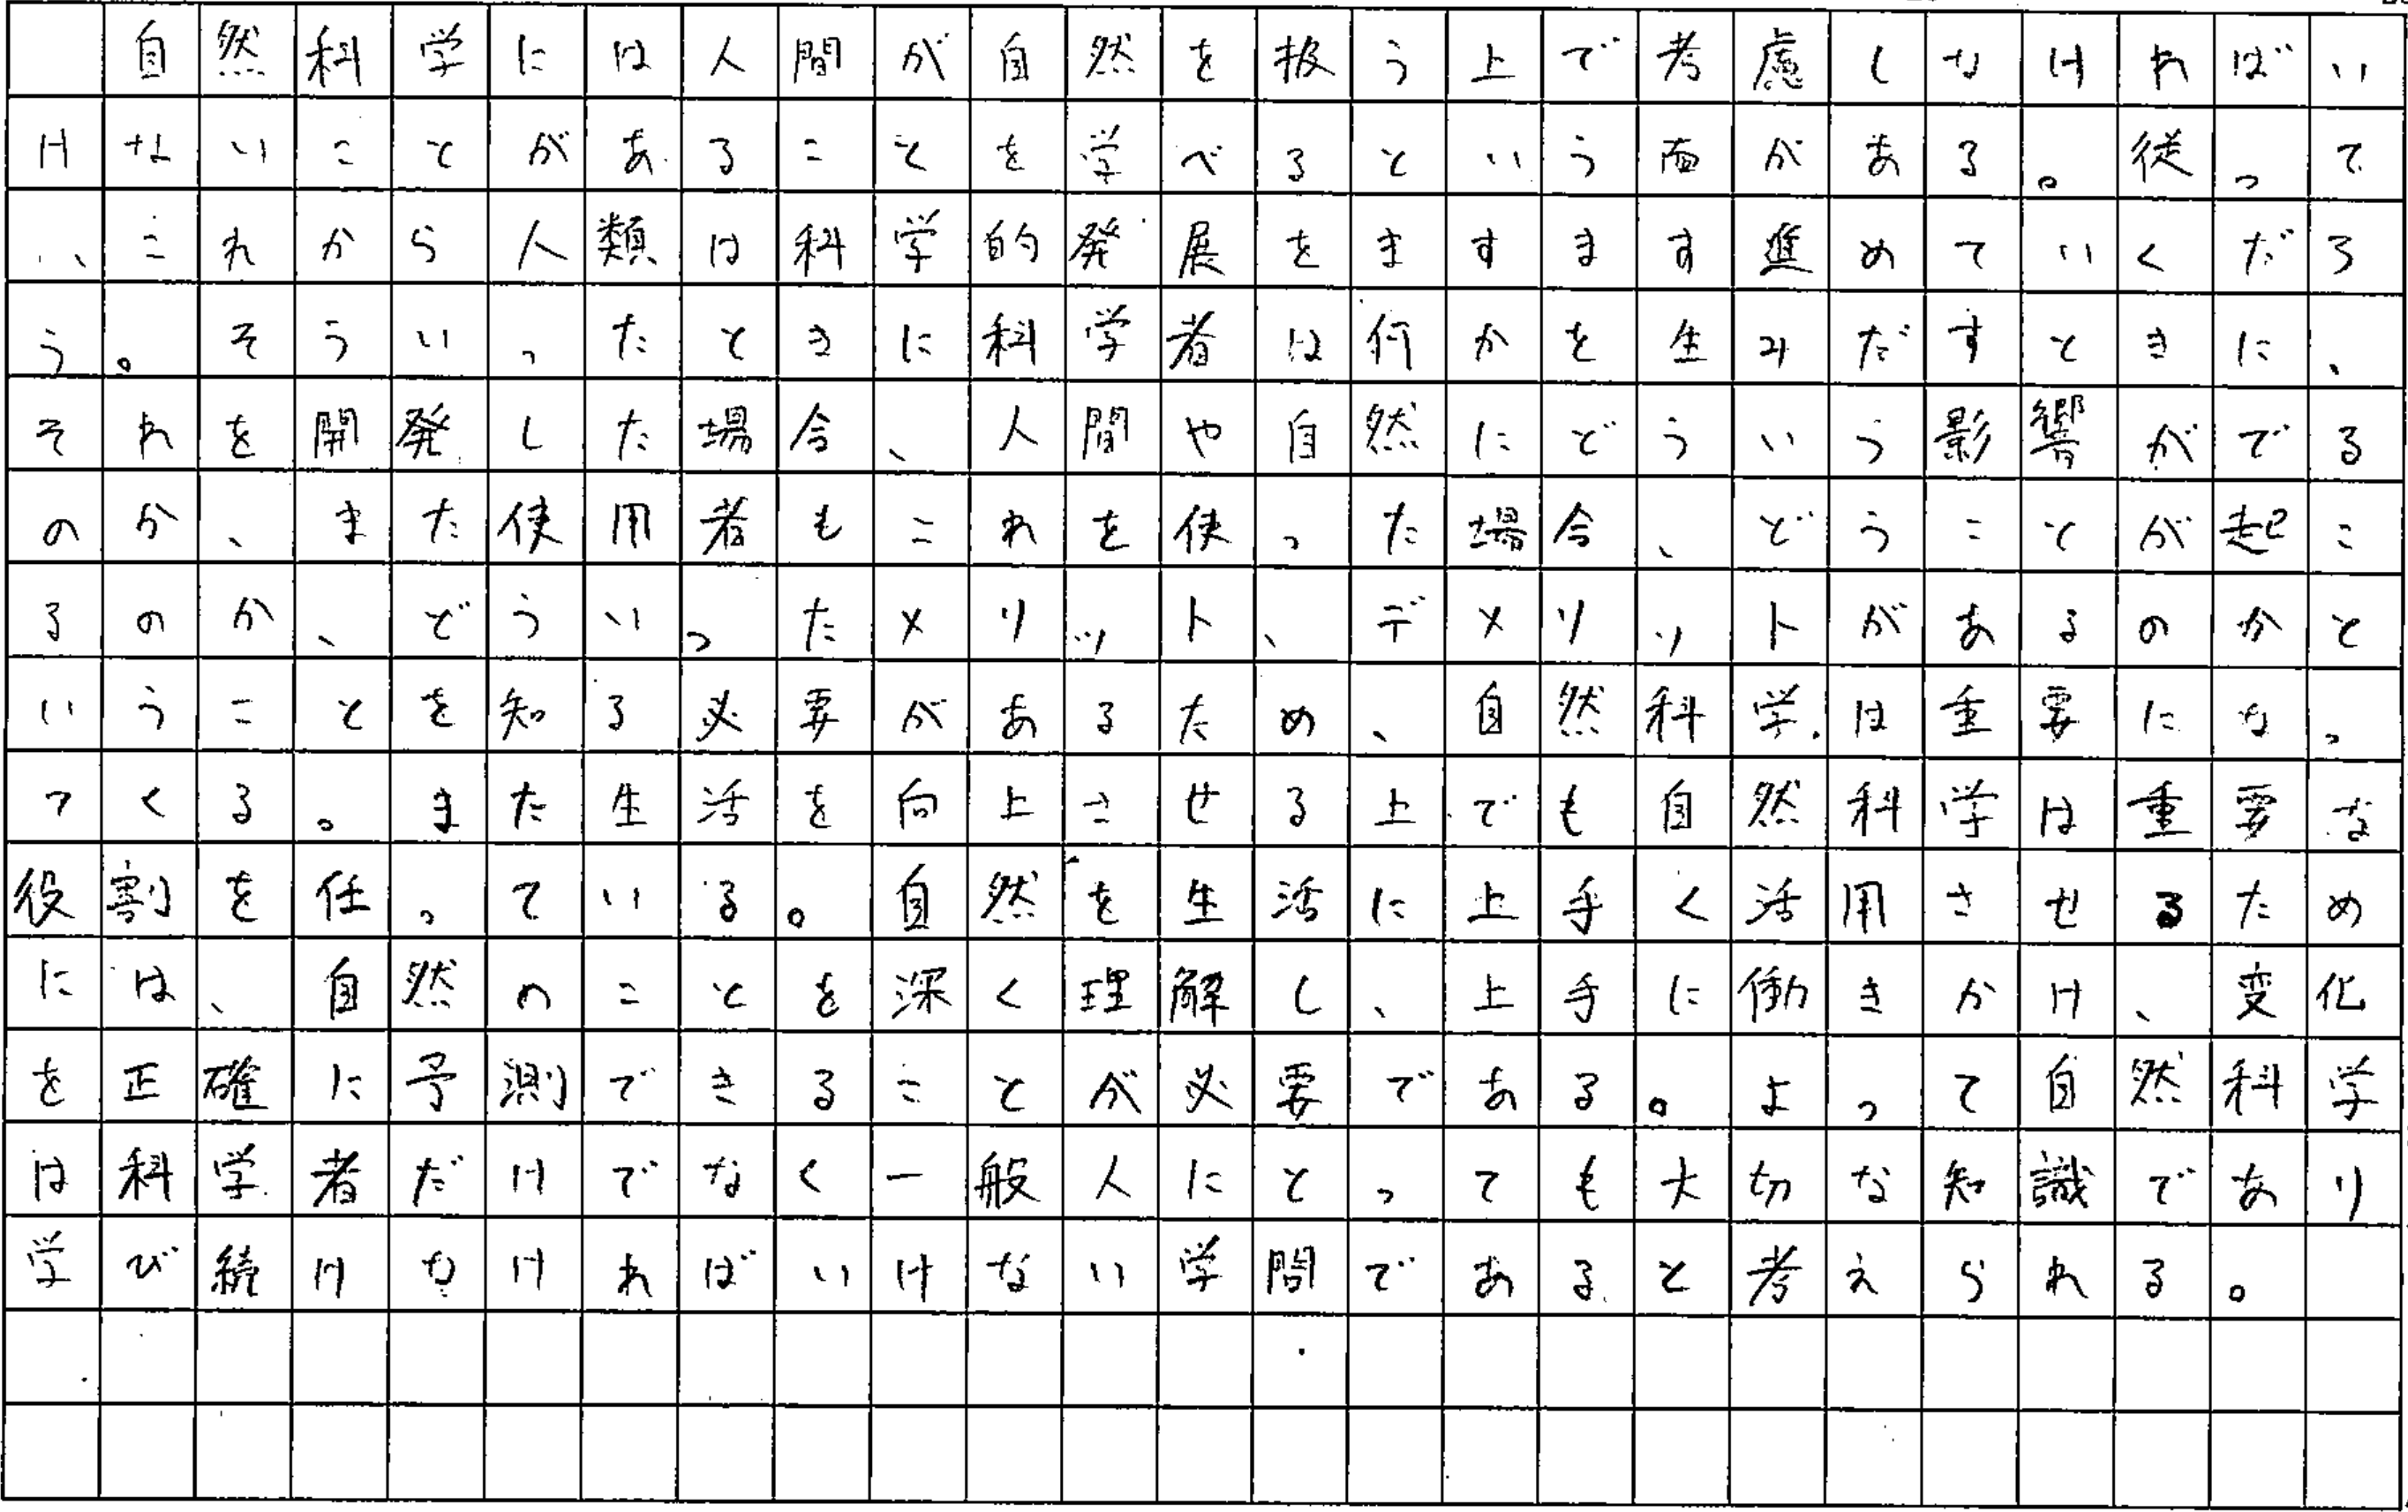　自然科学には人間が自然を扱う上で考慮しなければいけないことがあることを学べるという面がある。従って、これから人類は科学的発展をますます進めていくだろう。そういったときに科学者は何かを生みだすときに、それを開発した場合、人間や自然にどういう影響がでるのか、また使用者もこれを使った場合、どうことが起こるのか、どういったメリット、デメリットがあるのかということを知る必要があるため、自然科学は重要になってくる。また生活を向上させる上でも自然科学は重要な役割を任っている。自然を生活に上手く活用させるためには、自然のことを深く理解し、上手に働きかけ、変化を正確に予測できることが必要である。よって自然科学は科学者だけでなく一般人にとっても大切な知識であり学び続けなければいけない学問であると考えられる。
